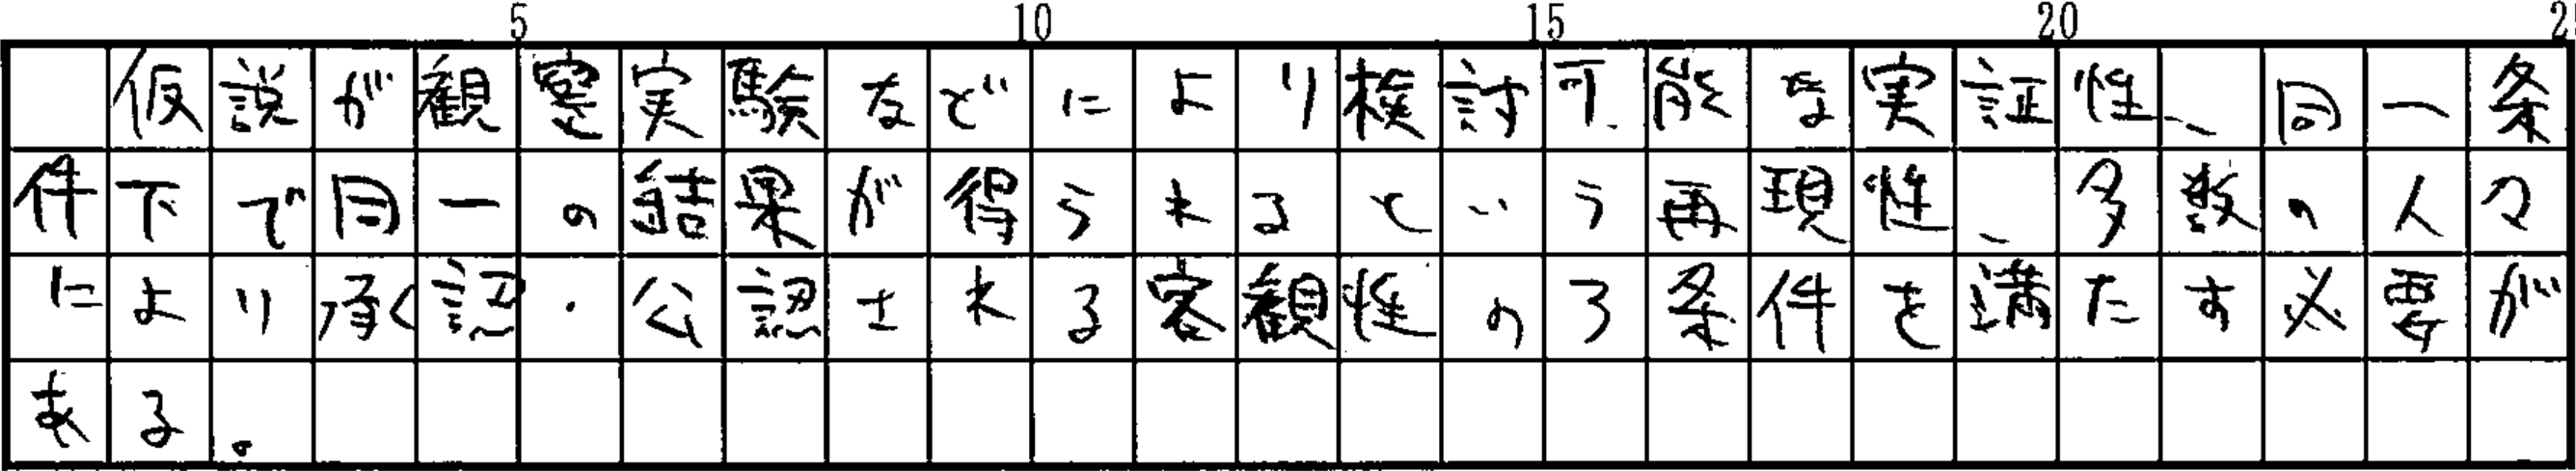　仮説が観察実験などにより検討可能な実証性、同一条件下で同一の結果が得られるという再現性、多数の人々により承認・公認される客観性の３条件を満たす必要がある。
